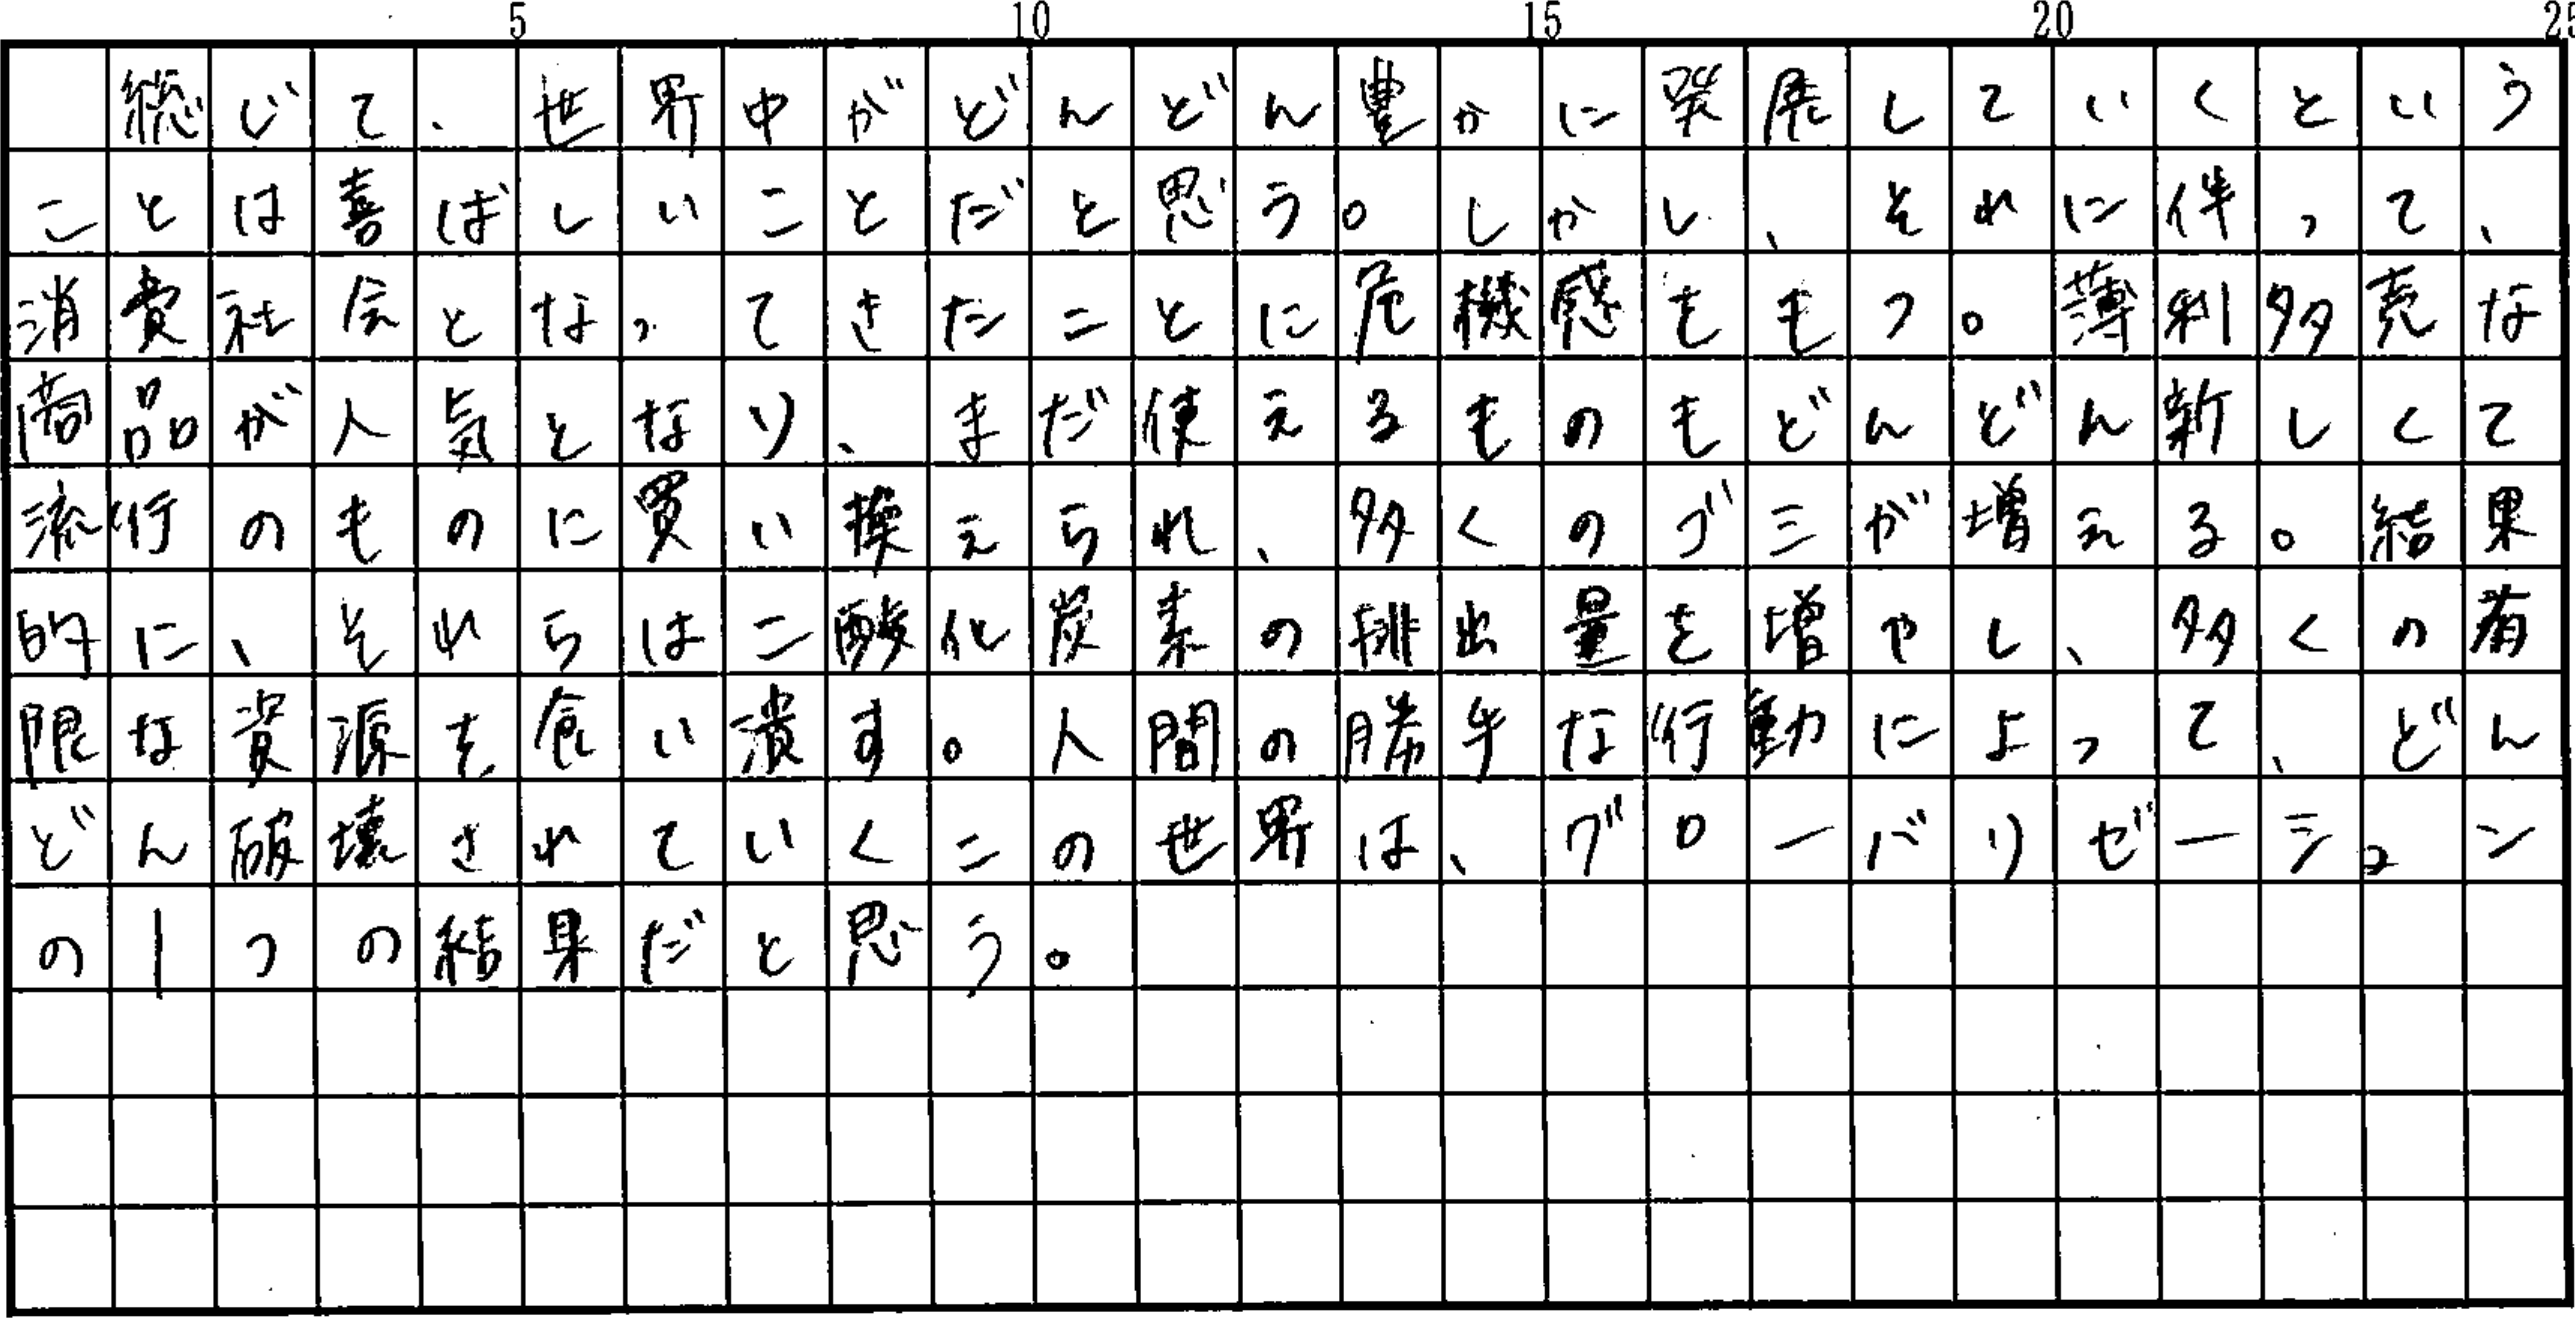　総じて、世界中がどんどん豊かに発展していくということは喜ばしいことだと思う。しかし、それに伴って、消費社会となってきたことに危機感をもつ。薄利多売な商品が人気となり、まだ使えるものもどんどん新しくて流行のものに買い換えられ、多くのゴミが増える。結果的に、それらは二酸化炭素の排出量を増やし、多くの有限な資源を食い潰す。人間の勝手な行動によって、どんどん破壊されていくこの世界は、グローバリゼーションの１つの結果だと思う。
